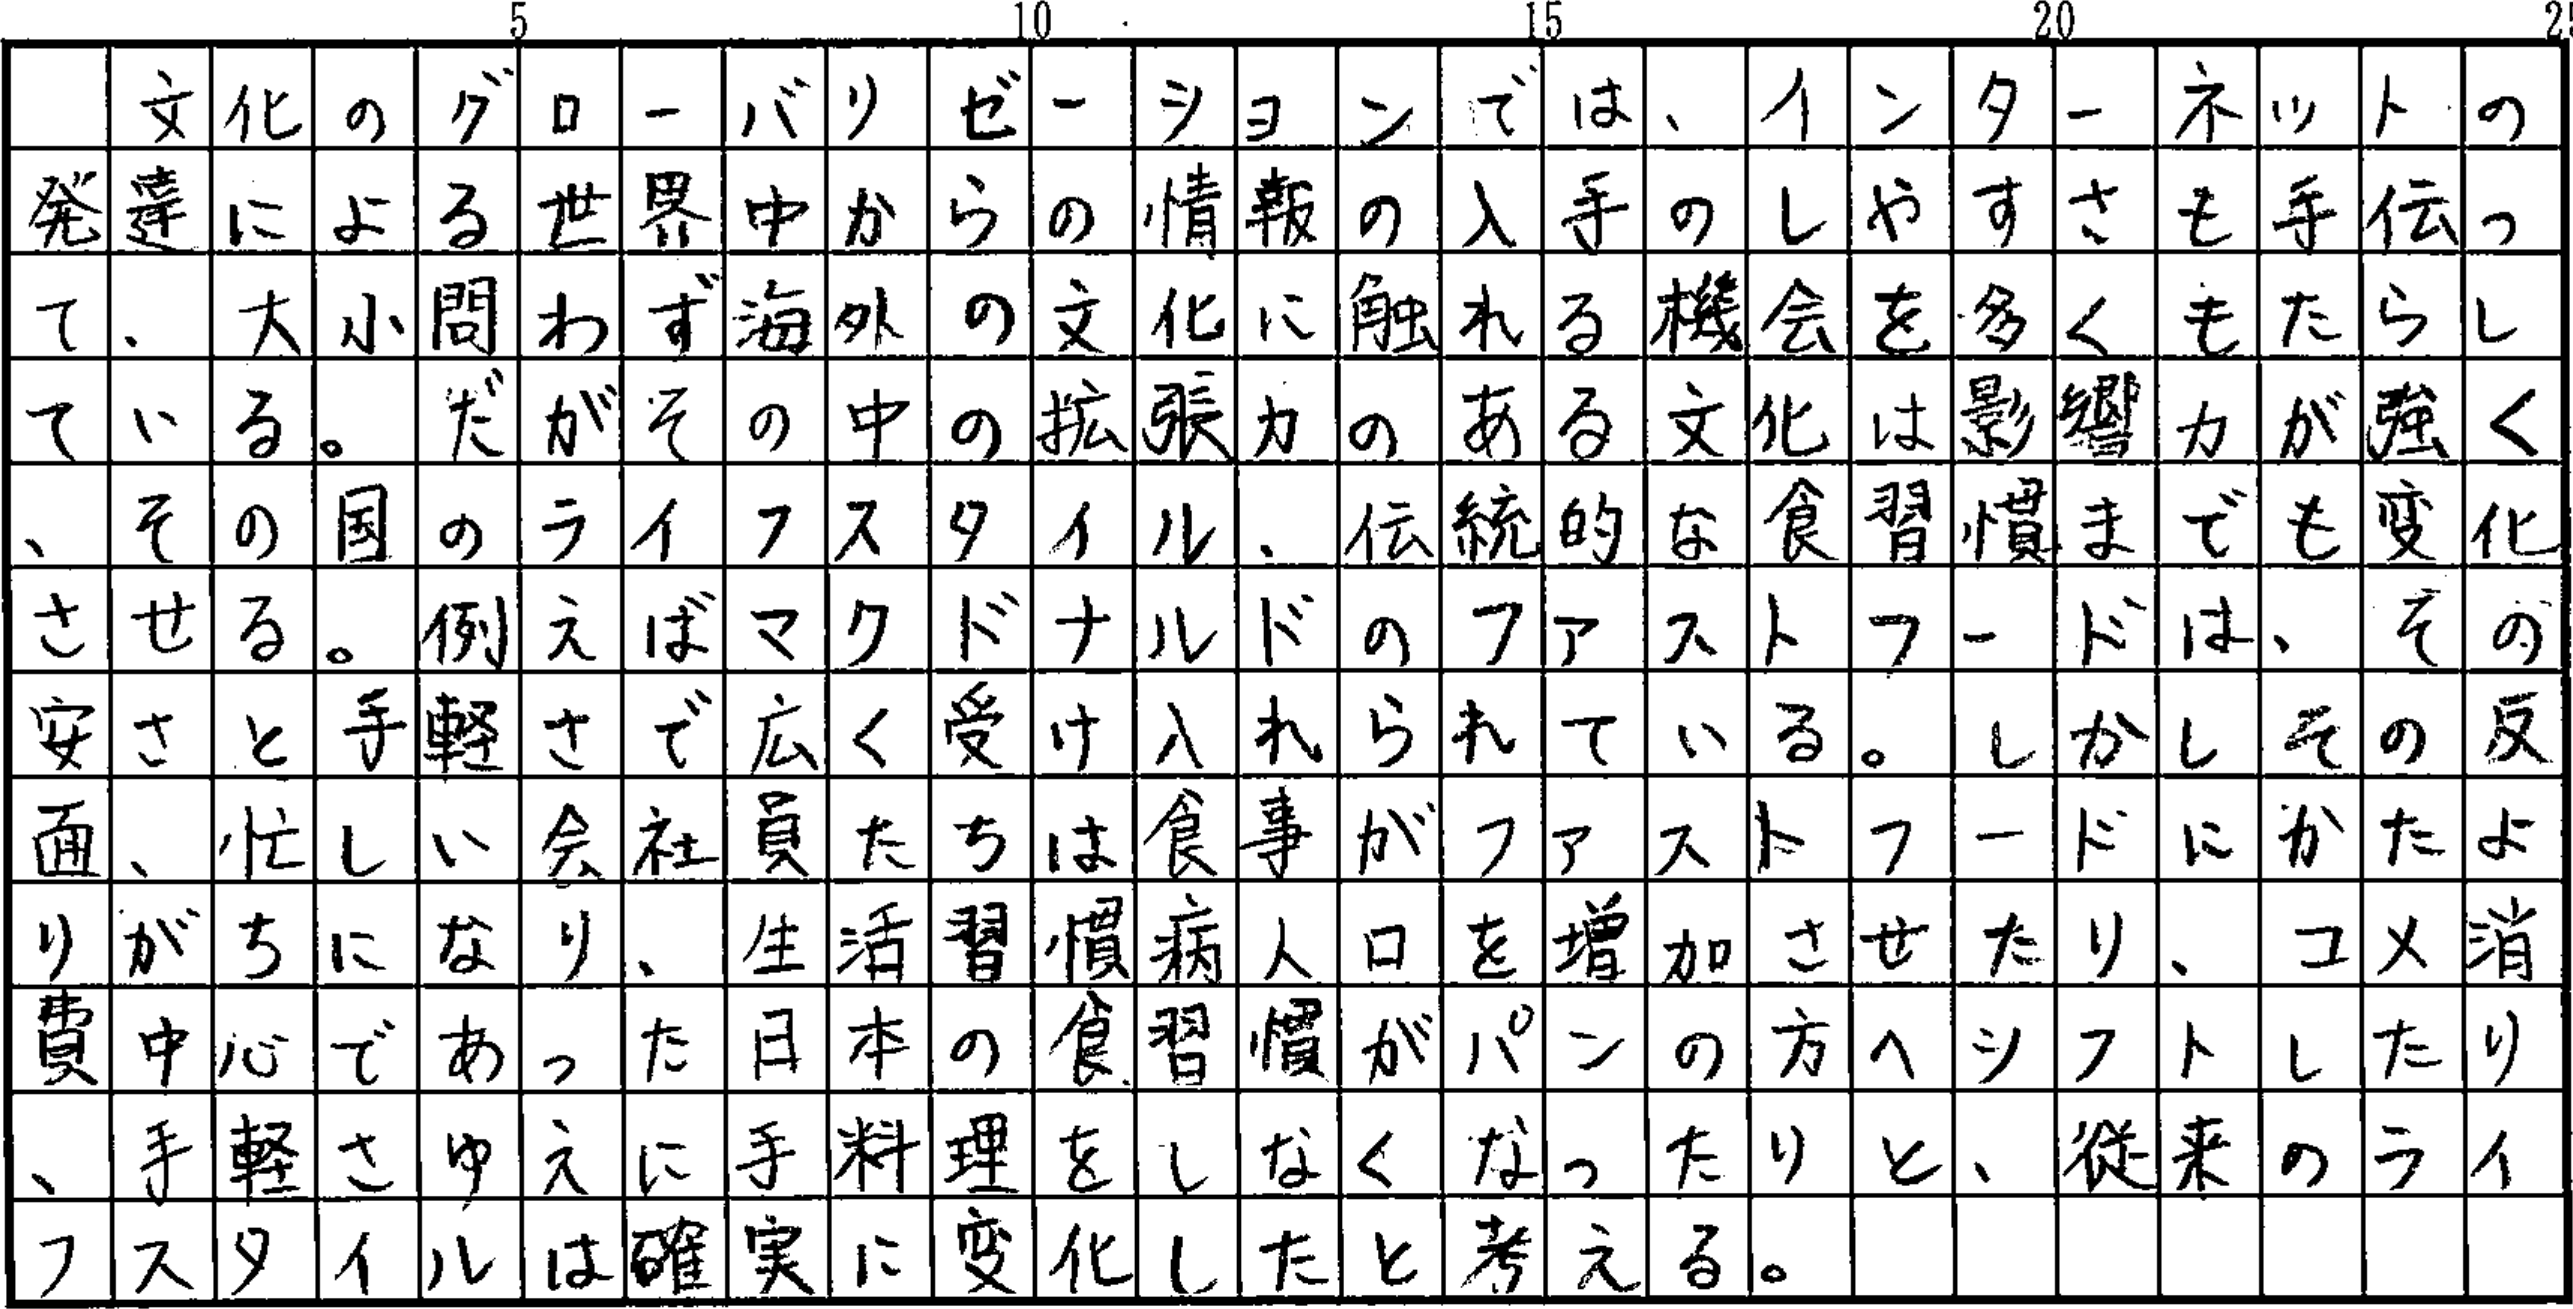　文化のグローバリゼーションでは、インターネットの発達による世界中からの情報の入手のしやすさも手伝って、大小問わず海外の文化に触れる機会を多くもたらしている。だがその中の拡張力のある文化は影響力が強く、その国のライフスタイル、伝統的な食習慣までも変化させる。例えばマクドナルドのファストフードは、その安さと手軽さで広く受け入れられている。しかしその反面、忙しい会社員たちは食事がファストフードにかたよりがちになり、生活習慣病人口を増加させたり、コメ消費中心であった日本の食習慣がパンの方へとシフトしたり、手軽さゆえに手料理をしなくなったりと、従来のライフスタイルは確実に変化したと考える。
